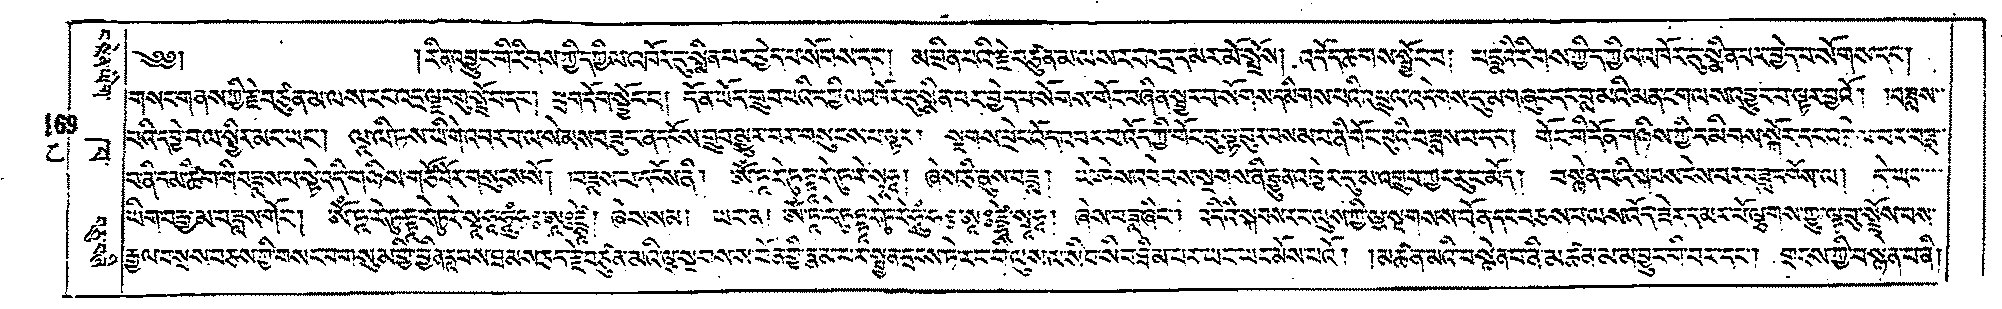༄༅། །རིན་འབྱུང་གི་རིགས་ཀྱི་དཀྱིལ་འཁོར་དུ་སྨིན་པར་བྱེད་པ་སོགས་དང་། མགྲིན་པའི་རྗེ་བཙུན་མ་ལས་རང་འདྲ་དམར་མོ་སྤྲོས། འདོད་ཆགས་སྦྱོང་བ། པདམའི་རིགས་ཀྱི་དཀྱིལ་འཁོར་དུ་སྨིན་པར་བྱེད་པ་སོགས་དང་།
གསང་གནས་ཀྱི་རྗེ་བཙུན་མ་ལས་རང་འདྲ་ལྗང་གུ་སྤྲོ་བ་དང་། ཕྲག་དོག་སྦྱོང་བ། དོན་ཡོད་གྲུབ་པའི་དཀྱིལ་འཁོར་དུ་སྨིན་པར་བྱེད་པ་སོགས་གོང་བཞིན་སྦྱར་བ་སོགས་དམིགས་པའི་འཕྲུལ་འདེགས་དུ་མ་གཞུང་དང་བླ་མའི་མན་ངག་ལས་འབྱུང་བ་ལྟར་བྱའོ། །བཟླས་་་
པའི་དབྱེ་བ་ལ་སྤྱིར་མང་ཡང་། ལཱ་ལི་ཏས་ཡི་གེ་འབར་བ་ལ་སེམས་བཟུང་ན་དངོས་གྲུབ་མྱུར་བར་གསུངས་པ་ལྟར། སྔགས་ཕྲེང་འོད་འབར་བ་འོད་ཀྱི་གོང་བུ་ལྟ་བུར་བསམ་པ་ནི་གོང་བུའི་བཟླས་པ་དང་། གོང་གི་དོན་གཉིས་ཀྱི་དམིགས་སྐོར་དང་འབྲེལ་བར་བཟླ་་་
བ་ནི་དམ་ཚིག་གི་བཟླས་པ་སྟེ་འདི་གཉིས་གཙོ་བོར་གསུངས་སོ། །བཟླས་པ་དངོས་ནི། ཨོཾ་ཏཱ་རེ་ཏུ་ཏྟཱ་རེ་ཏུ་རེ་སྭཱཧཱ། ཞེས་ཅི་ནུས་བཟླ། ཡེ་ཤེས་འབེབས་སྔགས་ནི་རྒྱུན་འཁྱེར་དུ་མ་འགྲུབ་ཀྱང་རུང་མོད། བསྙེན་པའི་སྐབས་ངེས་པར་བཟླ་དགོས་ལ། དེ་ཡང་་་
ཡིག་བརྒྱ་མ་བཟླས་གོང་། ཨོཾ་ཏཱ་རེ་ཏུ་ཏྟཱ་རེ་ཏུ་རེ་སྭཱཧཱ་ཧཱུཾ་ཧཿཨཱཿཛྷE། ཞེས་སམ། ཡང་ན། ཨོཾ་ཏཱ་རེ་ཏུཏྟཱ་རེ་ཏུ་རེ་ཧཱུཾ་ཧཿཨཱཿཛྷE་སྭཱཧཱ། ཞེས་བཟླ་ཞིང་། འདིའི་སྐབས་རང་ལུས་ཀྱི་ལྷ་སྔགས་ས་བོན་དང་བཅས་པ་ལས་འོད་ཟེར་དམར་པོ་ལྕགས་ཀྱུ་ལྟ་བུ་སྤྲོས་པས་
རྒྱལ་བ་སྲས་བཅས་ཀྱི་གསང་བ་གསུམ་གྱི་བྱིན་རླབས་ཐམས་ཅད་རྗེ་བཙུན་མའི་ལྷ་སྔགས་ས་བོན་གྱི་རྣམ་པར་སྤྱན་དྲངས་ཏེ་རང་གི་ལུས་ལ་སིབ་སིབ་ཐིམ་པར་ཡང་ཡང་མོས་པའོ། །མཚན་མའི་བསྙེན་པ་ནི་མཚན་མ་མ་བྱུང་གི་བར་དང་། གྲངས་ཀྱི་བསྙེན་པ་ནི།